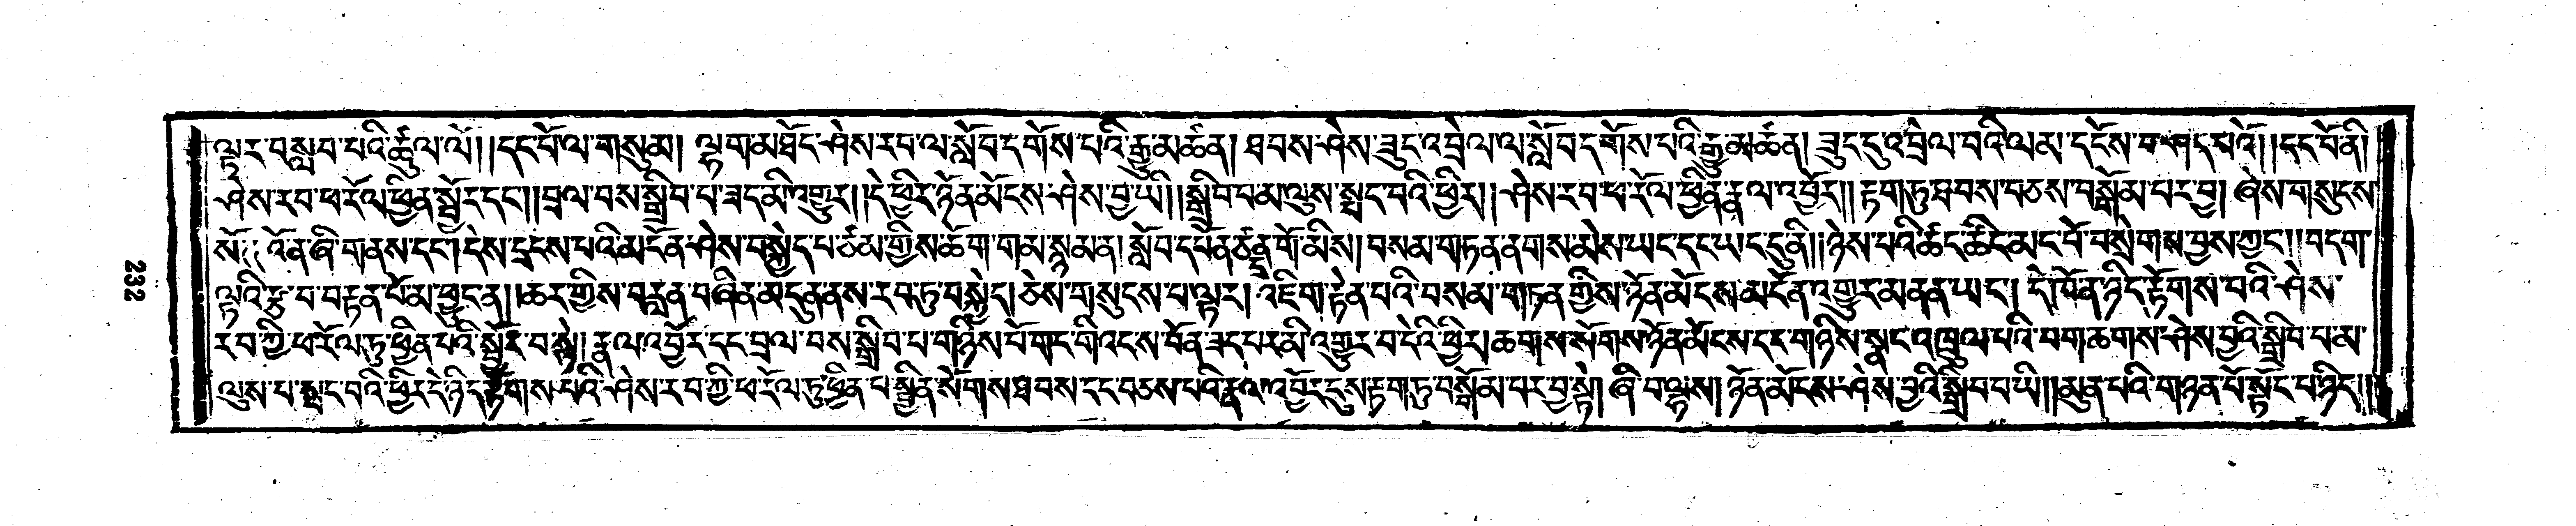ལྟར་བསླབ་པའི་ཚུལ་ལོ། །དང་པོ་ལ་གསུམ། ལྷག་མཐོང་ཤེས་རབ་ལ་སློབ་དགོས་པའི་རྒྱུ་མཚན། ཐབས་ཤེས་ཟུང་འབྲེལ་ལ་སློབ་དགོས་པའི་རྒྱུ་མཚན། ཟུང་དུ་འབྲེལ་བའི་ལམ་དངོས་བཤད་པའོ། །དང་པོ་ནི།
ཤེས་རབ་ཕ་རོལ་ཕྱིན་སྦྱོར་དང་། །བྲལ་བས་སྒྲིབ་པ་ཟད་མི་འགྱུར། །དེ་ཕྱིར་ཉོན་མོངས་ཤེས་བྱ་ཡི། །སྒྲིབ་པ་མ་ལུས་སྤང་བའི་ཕྱིར། །ཤེས་རབ་ཕ་རོལ་ཕྱིན་རྣལ་འབྱོར། །རྟག་ཏུ་ཐབས་བཅས་བསྒོམ་པར་བྱ། ཞེས་གསུངས་
སོ། །འོ་ན་ཞི་གནས་དང་། དེས་དྲངས་པའི་མངོན་ཤེས་བསྐྱེད་པ་ཙམ་གྱིས་ཆོག་གམ་སྙམ་ན། སློབ་དཔོན་ཙནྡྲ་གོ་མིས། བསམ་གཏན་ནགས་མེས་ཡང་དང་ཡང་དུ་ནི། །ཉེས་པའི་ཚང་ཚིང་མང་པོ་བསྲེགས་བྱས་ཀྱང་། །བདག་
ལྟའི་རྩ་བ་བརྟན་པོ་མ་ཕྱུང་ན། །ཆར་གྱིས་བརླན་བཞིན་མདུན་ནས་རབ་ཏུ་བསྐྱེད། ཅེས་གསུངས་པ་ལྟར། འཇིག་རྟེན་པའི་བསམ་གཏན་གྱིས་ཉོན་མོངས་མངོན་འགྱུར་མནན་ཡང་། དེ་ཁོ་ན་ཉིད་རྟོགས་པའི་ཤེས་
རབ་ཀྱི་ཕ་རོལ་ཏུ་ཕྱིན་པའི་སྦྱོར་བ་སྟེ། རྣལ་འབྱོར་དང་བྲལ་བས་སྒྲིབ་པ་གཉིས་པོ་གང་གིའང་ས་བོན་ཟད་པར་མི་འགྱུར་པ་དེའི་ཕྱིར། ཆགས་སོགས་ཉོན་མོངས་དང་གཉིས་སྣང་འཁྲུལ་པའི་བག་ཆགས་ཤེས་བྱའི་སྒྲིབ་པ་མ་
ལུས་པ་སྤང་བའི་ཕྱིར་དེ་ཉིད་རྟོགས་པའི་ཤེས་རབ་ཀྱི་ཕ་རོལ་ཏུ་ཕྱིན་པ་སྦྱིན་སོགས་ཐབས་དང་བཅས་པའི་རྣལ་འབྱོར་དུས་རྟག་ཏུ་བསྒོམ་པར་བྱ་སྟེ། ཞི་བ་ལྷས། ཉོན་མོངས་ཤེས་བྱའི་སྒྲིབ་པ་ཡི། །མུན་པའི་གཉེན་པོ་སྟོང་པ་ཉིད།།